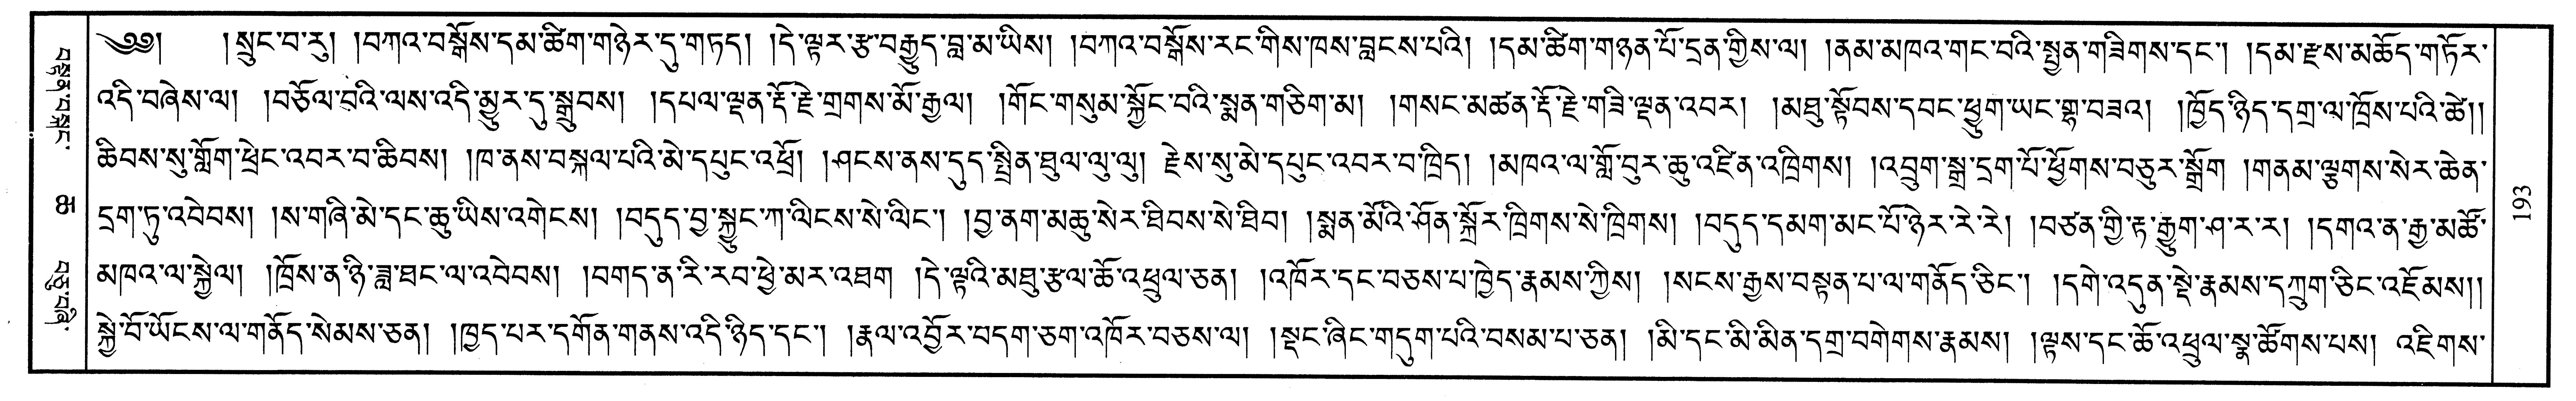༄༅། །སྲུང་བ་རུ། །བཀའ་བསྒོས་དམ་ཚིག་གཉེར་དུ་གཏད། །དེ་ལྟར་རྩ་བརྒྱུད་བླ་མ་ཡིས། །བཀའ་བསྒོས་རང་གིས་ཁས་བླངས་པའི། །དམ་ཚིག་གཉན་པོ་དྲན་གྱིས་ལ། །ནམ་མཁའ་གང་བའི་སྤྱན་གཟིགས་དང་། །དམ་རྫས་མཆོད་གཏོར་
འདི་བཞེས་ལ། །བཅོལ་བའི་ལས་འདི་མྱུར་དུ་སྒྲུབས། །དཔལ་ལྡན་རྡོ་རྗེ་གྲགས་མོ་རྒྱལ། །གོང་གསུམ་སྐྱོང་བའི་སྨན་གཅིག་མ། །གསང་མཚན་རྡོ་རྗེ་གཟི་ལྡན་འབར། །མཐུ་སྟོབས་དབང་ཕྱུག་ཡང་གྷ་བཟའ། །ཁྱོད་ཉིད་དགྲ་ལ་ཁྲོས་པའི་ཚེ།།
ཆིབས་སུ་གློག་ཕྲེང་འབར་བ་ཆིབས། །ཁ་ནས་བསྐལ་པའི་མེ་དཔུང་འཕྲོ། །ཤངས་ནས་དུད་སྤྲིན་ཐུལ་ལུ་ལུ། རྗེས་སུ་མེ་དཔུང་འབར་བ་ཁྲིད། །མཁའ་ལ་གློ་བུར་ཆུ་འཛིན་འཁྲིགས། །འབྲུག་སྒྲ་དྲག་པོ་ཕྱོགས་བཅུར་སྒྲོག །གནམ་ལྕགས་སེར་ཆེན་
དྲག་ཏུ་འབེབས། །ས་གཞི་མེ་དང་ཆུ་ཡིས་འགེངས། །བདུད་བྱ་སྐྱུང་ཀ་ལིངས་སེ་ལིང་། །བྱ་ནག་མཆུ་སེར་ཐིབས་སེ་ཐིབ། །སྨན་མོའི་ཤོན་སྐྲོར་ཁྲིགས་སེ་ཁྲིགས། །བདུད་དམག་མང་པོ་ཉེར་རེ་རེ། །བཙན་གྱི་རྟ་རྒྱུག་ཤ་ར་ར། །དགའ་ན་རྒྱ་མཚོ་
མཁའ་ལ་སྐྱེལ། །ཁྲོས་ན་ཉི་ཟླ་ཐང་ལ་འབེབས། །བགད་ན་རི་རབ་ཕྱེ་མར་འཐག །དེ་ལྟའི་མཐུ་རྩལ་ཆོ་འཕྲུལ་ཅན། །འཁོར་དང་བཅས་པ་ཁྱེད་རྣམས་ཀྱིས། །སངས་རྒྱས་བསྟན་པ་ལ་གནོད་ཅིང་། །དགེ་འདུན་སྡེ་རྣམས་དཀྲུག་ཅིང་འཇོམས།།
སྐྱེ་བོ་ཡོངས་ལ་གནོད་སེམས་ཅན། །ཁྱད་པར་དགོན་གནས་འདི་ཉིད་དང་། །རྣལ་འབྱོར་བདག་ཅག་འཁོར་བཅས་ལ། །སྡང་ཞིང་གདུག་པའི་བསམ་པ་ཅན། །མི་དང་མི་མིན་དགྲ་བགེགས་རྣམས། །ལྟས་དང་ཆོ་འཕྲུལ་སྣ་ཚོགས་པས། འཇིགས་